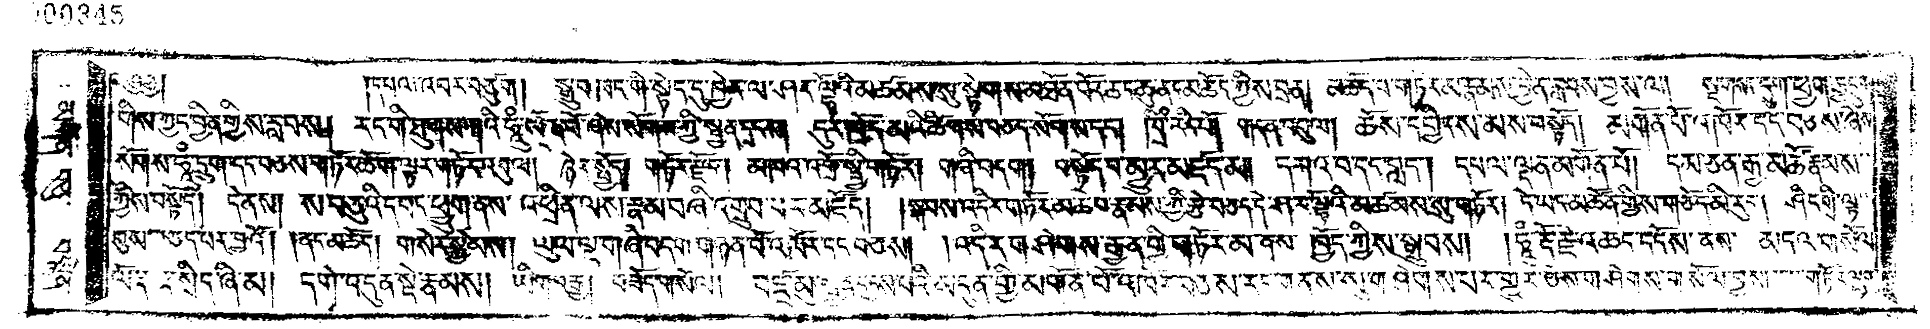༄༅། །དཔལ་འབར་བཙུག །སྒྲུབ་ཁང་གི་སྟེང་དུ་ཁྱེར་ལ་ཤར་ལྷོའི་མཚམས་སུ་སྟེགས་མཐོན་པོར་ཆང་ཆུ་ནང་མཆོད་ཀྱིས་བྲན། མཆོད་པ་གཏོར་མ་རྣམས་བྱིན་རླབས་བྱས་ལ། སྔགས་དྲུག་ཕྱག་རྒྱ་དྲུག་
གིས་ཀྱང་བྱིན་གྱིས་རླབས། རང་གི་ཐུགས་ཀའི་ཧཱུཾ་སྔོན་པོ་ཞེས་སོགས་ཀྱི་སྤྱན་དྲངས།  དུར་ཁྲོད་མའི་ཚིགས་བཅད་སོགས་དང་། ཁྲིཾ་རིང་པོ། གདན་འབུལ། ཆོས་དབྱིངས་མས་བསྟོད། མགོན་པོ་འཁོར་དང་བཅས་ཞེས་
སོགས་ཧཱུཾ་དྲུག་དང་བཅས་གཏོར་ཆོག་ལྟར་གཏོར་འབུལ། ཉེར་སྤྱོད། གཏོར་རྫོང་། མཁའ་འགྲོ་སྤྱི་གཏོར། གཞི་བདག །བསྟོད་པ་མྱུར་མཛད་མ། དཀའ་བ་དང་བླང་། དཔལ་ལྡན་མགོན་པོ། དམ་ཅན་རྒྱ་མཚོ་རྣམས་
ཀྱིས་བསྟོད། དེ་ནས། ས་བཅུའི་དབང་ཕྱུག་ནས་འཕྲིན་ལས་རྣམ་བཞི་འགྲུབ་པར་མཛོད། །སྐབས་འདིར་གཏོར་མ་ཆེ་བ་རྣམས་ཀྱི་རྩེ་བཅད་དེ་ཤར་ལྷོའི་མཚམས་སུ་གཏོར། དེ་ཡང་མཚོན་གྱིས་གཅོད་མི་རུང་། ཤིང་གྲི་ལྟ་
བུས་བཅད་པར་བྱའོ། །ནང་མཆོད། གསེར་སྐྱེམས། ཡུལ་ལྔ་གཞི་བདག་གཉན་པོ་འཁོར་དང་བཅས། །འདིར་གཤེགས་རྒྱན་གྱི་གཏོར་མ་ནས་ཁྱོད་ཀྱིས་སྒྲུབས། །ཧཱུཾ་རྡོ་རྗེ་འཆང་དངོས་ནས་མངའ་གསོལ་
ལོ། །སྲིད་ཞི་མ། དགེ་འདུན་སྡེ་རྣམས། ཡིག་བརྒྱ། བཟོད་གསོལ། བཛྲ་མུ་སྤྱན་དྲངས་པའི་མདུན་གྱི་མགོན་པོ་འཁོར་བཅས་རང་གནས་སུ་གཤེགས་པར་གྱུར་ཅེས་གཤེགས་གསོལ་བྱས།  གཏོར་ལྷག་